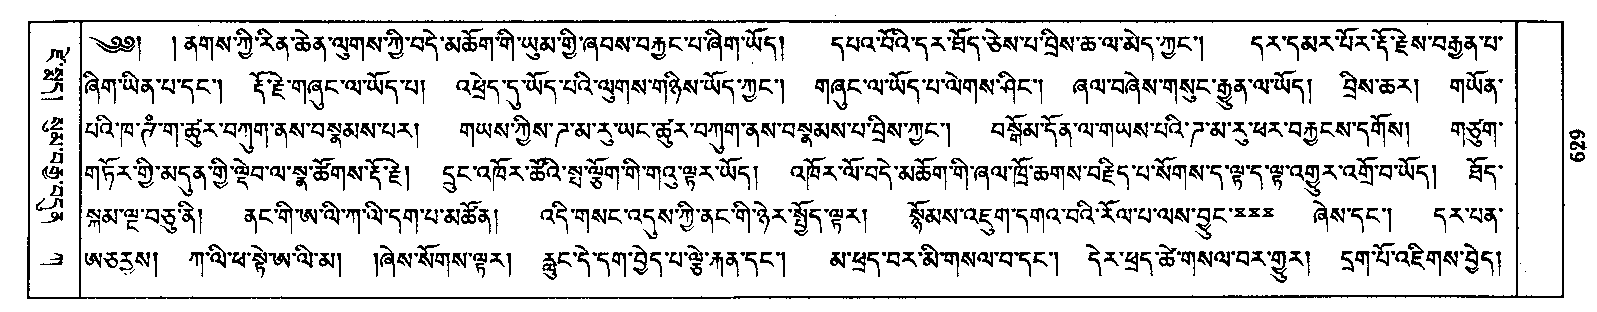༄༅། །ནགས་ཀྱི་རིན་ཆེན་ལུགས་ཀྱི་བདེ་མཆོག་གི་ཡུམ་གྱི་ཞབས་བརྐྱང་པ་ཞིག་ཡོད། དཔའ་བོའི་དར་ཐོད་ཅེས་པ་བྲིས་ཆ་ལ་མེད་ཀྱང་། དར་དམར་པོར་རྡོ་རྗེས་བརྒྱན་པ་
ཞིག་ཡིན་པ་དང་། རྡོ་རྗེ་གཞུང་ལ་ཡོད་པ། འཕྲེད་དུ་ཡོད་པའི་ལུགས་གཉིས་ཡོད་ཀྱང་། གཞུང་ལ་ཡོད་པ་ལེགས་ཤིང་། ཞལ་བཞེས་གསུང་རྒྱུན་ལ་ཡོད། བྲིས་ཆར། གཡོན་
པའི་ཁ་ཊཾ་ག་ཚུར་བཀུག་ནས་བསྣམས་པར། གཡས་ཀྱིས་ཌ་མ་རུ་ཡང་ཚུར་བཀུག་ནས་བསྣམས་པ་བྲིས་ཀྱང་། བསྒོམ་དོན་ལ་གཡས་པའི་ཌ་མ་རུ་ཕར་བརྐྱངས་དགོས། གཙུག་
གཏོར་གྱི་མདུན་གྱི་ལྡེབ་ལ་སྣ་ཚོགས་རྡོ་རྗེ། དྲུང་འཁོར་ཚོའི་སྤ་ལྕོག་གི་གའུ་ལྟར་ཡོད། འཁོར་ལོ་བདེ་མཆོག་གི་ཞལ་ཁྲོ་ཆགས་བརྗིད་པ་སོགས་ད་ལྟ་ད་ལྟ་འགྱུར་འགྲོ་བ་ཡོད། ཐོད་
སྐམ་ལྔ་བཅུ་ནི། ནང་གི་ཨ་ལི་ཀ་ལི་དག་པ་མཚོན། འདི་གསང་འདུས་ཀྱི་ནང་གི་ཉེར་སྤྱོད་ལྟར། སྙོམས་འཇུག་དགའ་བའི་རོལ་པ་ལས་བྱུང་྾་྾་྾་ཞེས་དང་། དར་པན་
ཨ་ཅརྱས། ཀ་ལི་ཕ་སྟེ་ཨ་ལི་མ། །ཞེས་སོགས་ལྟར། རླུང་དེ་དག་བྱེད་པ་ལྕེ་རྐན་དང་། མ་ཕྲད་བར་མི་གསལ་བ་དང་། དེར་ཕྲད་ཚེ་གསལ་བར་གྱུར། དྲག་པོ་འཇིགས་བྱེད།